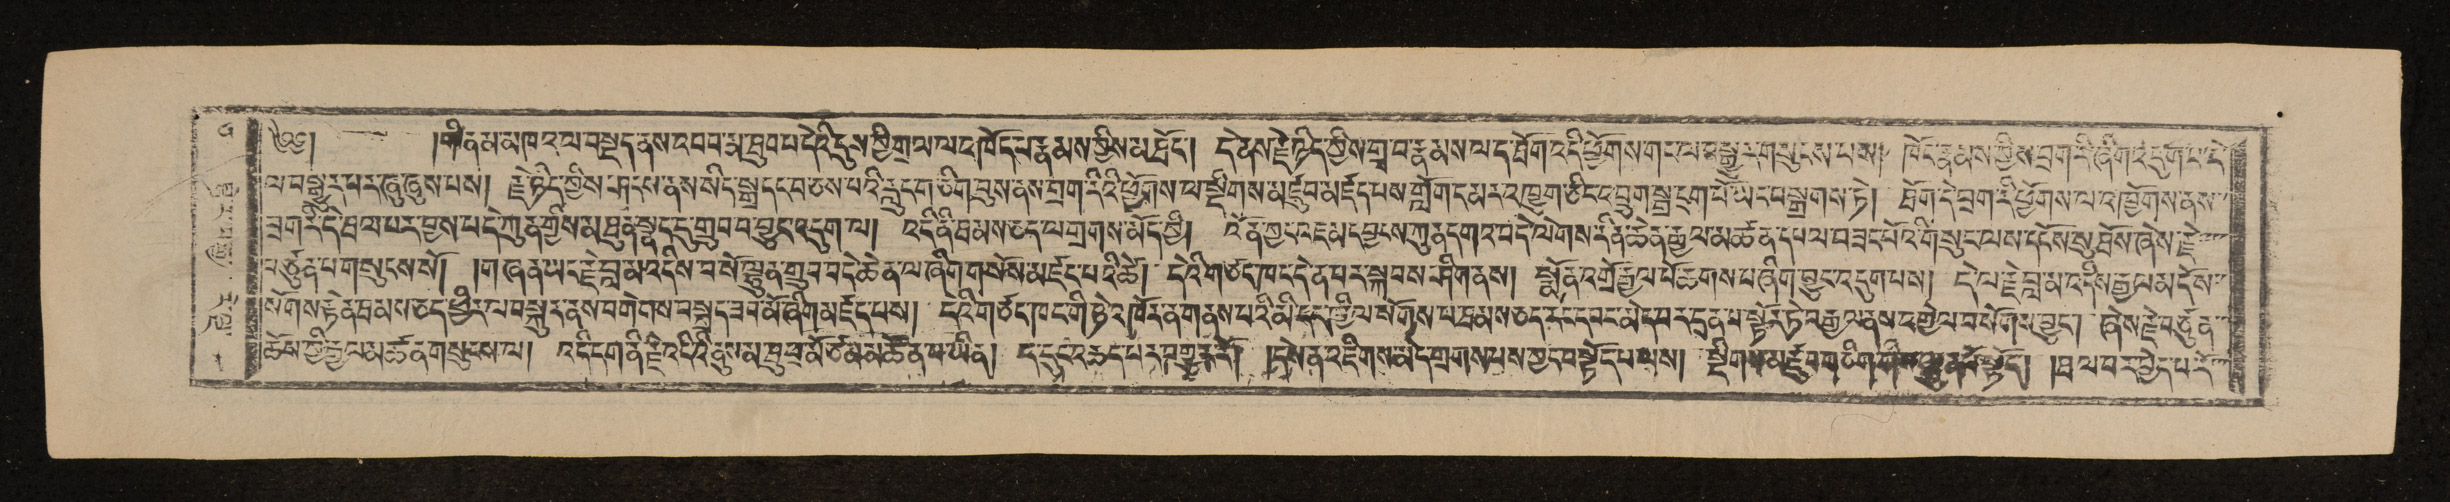༄༅། །གི་ནམ་མཁའ་ལ་བསྡད་ནས་བབ་མ་ཐུབ་པ་དེའི་དུས་ཀྱི་གྲལ་ལ་འཁོད་པ་རྣམས་ཀྱིས་མཐོང་། དེ་ནས་རྗེ་ཉིད་ཀྱིས་གྲྭ་བ་རྣམས་ལ་ད་ཐོག་འདི་ཕྱོགས་གང་ལ་བསྒྱུར་གསུངས་པས། ཁོང་རྣམས་ཀྱིས་བྲག་རི་ཞིག་འདུག་པ་དེ་
ལ་བསྒྱུར་བར་ཞུ་ཞུས་པས། རྗེ་ཉིད་ཀྱིས་ཤངས་ནས་སིང་སྒྲ་དང་བཅས་པའི་རླུང་གཅིག་བུས་ནས་བྲག་རིའི་ཕྱོགས་ལ་སྡིགས་མཛུབ་མཛད་པས་གློག་དམར་འཁྱུག་ཅིང་འབྲུག་སྒྲ་དྲག་པོ་ཡང་བསྒྲགས་ཏེ། ཐོག་དེ་བྲག་རི་ཕྱོགས་ལ་འཁྱོགས་ནས་
བྲག་རི་དེ་ཐལ་བར་བྱས་པ་དེ་ཀུན་གྱིས་མཐུན་སྣང་དུ་གྲུབ་པ་བྱུང་འདུག་ལ། འདི་ནི་ཐམས་ཅད་ལ་གྲགས་མོད་ཀྱི། འོན་ཀྱང་འཇམ་དབྱངས་ཀུན་དགའ་བདེ་ལེགས་རིན་ཆེན་རྒྱལ་མཚན་དཔལ་བཟང་པོའི་གསུང་ལས་དངོས་སུ་ཐོས་ཞེས་རྗེ་
བཙུན་པ་གསུངས་སོ། །གཞན་ཡང་རྗེ་བླ་མ་འདིས་བ་སོ་ལྷུན་གྲུབ་བདེ་ཆེན་ལ་ཞིག་གསོས་མཛད་པའི་ཚེ། དེའི་གཙང་ཁང་དེ་ན་བར་སྐབས་ཤིག་ནས། སྨོན་འགྲོ་རྒྱལ་པོ་ཆགས་པ་ཞིག་བྱུང་འདུག་པས། དེ་ལ་རྗེ་བླ་མ་འདིས་རྒྱལ་མདོས་
སོགས་རྟེན་ཐམས་ཅད་ཕྱིར་ལ་བསྐུར་ནས་བགེགས་བསྐྲད་ཟབ་མོ་ཞིག་མཛད་པས། དེའི་གཙང་ཁང་གི་ཉེ་འཁོར་ན་གནས་པའི་མི་དང་ཁྱི་ལ་སོགས་པ་ཐམས་ཅད་རང་དབང་མེད་པར་དྲན་པ་སྟོར་ཏེ་བརྒྱལ་ནས་འགྱེལ་བ་སོགས་བྱུང་། ཞེས་རྗེ་བཙུན་
ཆོས་ཀྱི་རྒྱལ་མཚན་གསུངས་ལ། འདི་དག་ནི་རྗེ་འདིའི་ནུས་མཐུ་ཕྲ་མོ་ཙམ་མཚོན་པ་ཡིན། ད་དུང་འཆང་བར་འགྱུར་རོ། །དེས་ན་འཇིགས་མེད་གྲགས་པས་ཀྱང་བསྟོད་པ་ལས། སྡིགས་མཛུབ་གཅིག་གིས་ལྷུན་པོ་སྟོང་། །ཐལ་བར་བྱེད་པ་རོ་